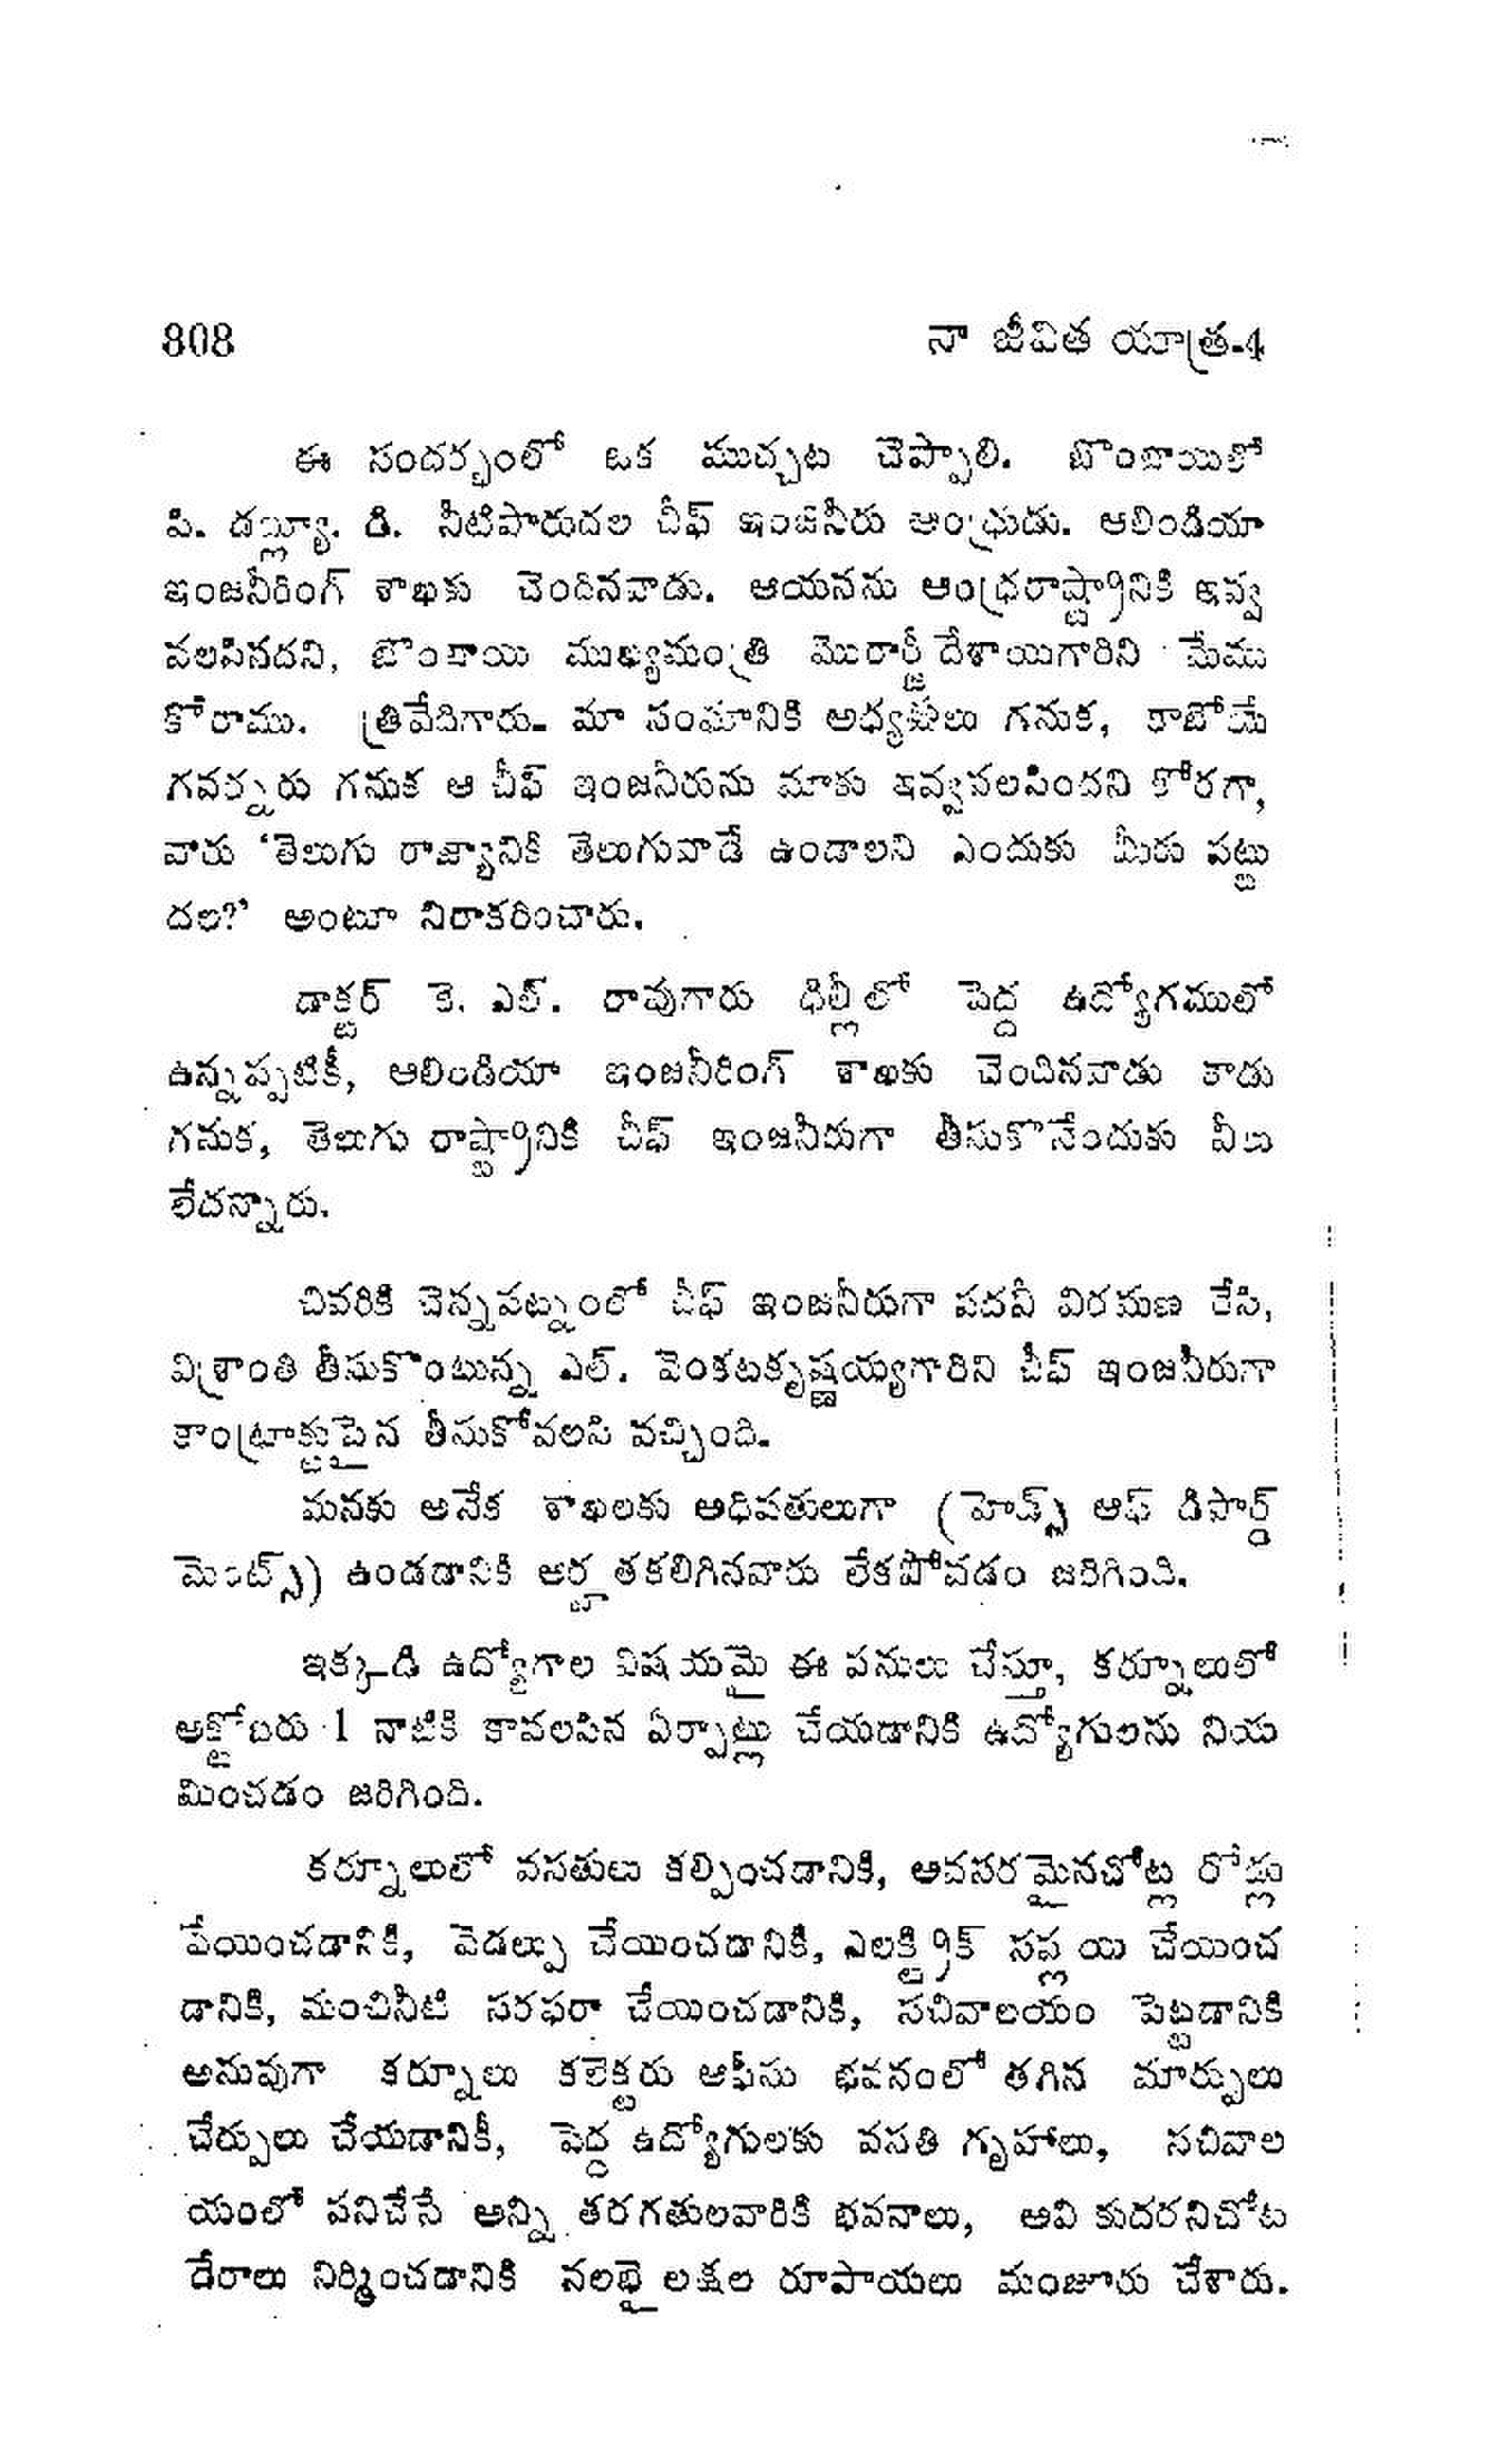ఈ సందర్భంలో ఒక ముచ్చట చెప్పాలి. బొంబాయిలో పి. డబ్ల్యూ. డి. నీటిపారుదల చీఫ్ ఇంజినీరు ఆంధ్రుడు. ఆలిండియా ఇంజనీరింగ్ శాఖకు చెందినవాడు. ఆయనను ఆంధ్రరాష్ట్రానికి ఇవ్వవలసినదని, బొంబాయి ముఖ్యమంత్రి మొరార్జీ దేశాయిగారిని మేము కోరాము. త్రివేదిగారు - మా సంఘానికి అధ్యక్షులు గనుక, కాబోయే గవర్నరు గనుక ఆ చీఫ్ ఇంజనీరును మాకు ఇవ్వవలసిందని కోరగా, వారు 'తెలుగు రాజ్యానికి తెలుగువాడే ఉండాలని ఎందుకు మీకు పట్టుదల?' అంటూ నిరాకరించారు.

డాక్టర్ కె. ఎల్. రావుగారు ఢిల్లీలో పెద్ద ఉద్యోగములో ఉన్నప్పటికీ, ఆలిండియా ఇంజనీరింగ్ శాఖకు చెందినవాడు కాడు గనుక, తెలుగు రాష్ట్రానికి చీఫ్ ఇంజనీరుగా తీసుకొనేందుకు వీలు లేదన్నారు.

చివరికి చెన్నపట్నంలో చీఫ్ ఇంజనీరుగా పదవీ విరమణ చేసి, విశ్రాంతి తీసుకొంటున్న ఎల్. వెంకటకృష్ణయ్యగారిని చీఫ్ ఇంజనీరుగా కాంట్రాక్టుపైన తీసుకోవలసి వచ్చింది.

మనకు అనేక శాఖలకు అధిపతులుగా (హెడ్స్ ఆఫ్ డిపార్ట్‌మెంట్స్) ఉండడానికి అర్హతకలిగినవారు లేకపోవడం జరిగింది.

ఇక్కడి ఉద్యోగాల విషయమై ఈ పనులు చేస్తూ, కర్నూలులో అక్టోబరు 1 నాటికి కావలసిన ఏర్పాట్లు చేయడానికి ఉద్యోగులను నియమించడం జరిగింది.

కర్నూలులో వసతులు కల్పించడానికి, అవసరమైనచోట్ల రోడ్లు వేయించడానికి, వెడల్పు చేయించడానికి, ఎలక్ట్రిక్ సప్లయి చేయించడానికి, మంచినీటి సరఫరా చేయించడానికి, సచివాలయం పెట్టడానికి అనువుగా కర్నూలు కలెక్టరు ఆఫీసు భవనంలో తగిన మార్పులు చేర్పులు చేయడానికీ, పెద్ద ఉద్యోగులకు వసతి గృహాలు, సచివాలయంలో పనిచేసే అన్ని తరగతులవారికి భవనాలు, అవి కుదరనిచోట డేరాలు నిర్మించడానికి నలభై లక్షల రూపాయలు మంజూరు చేశారు.